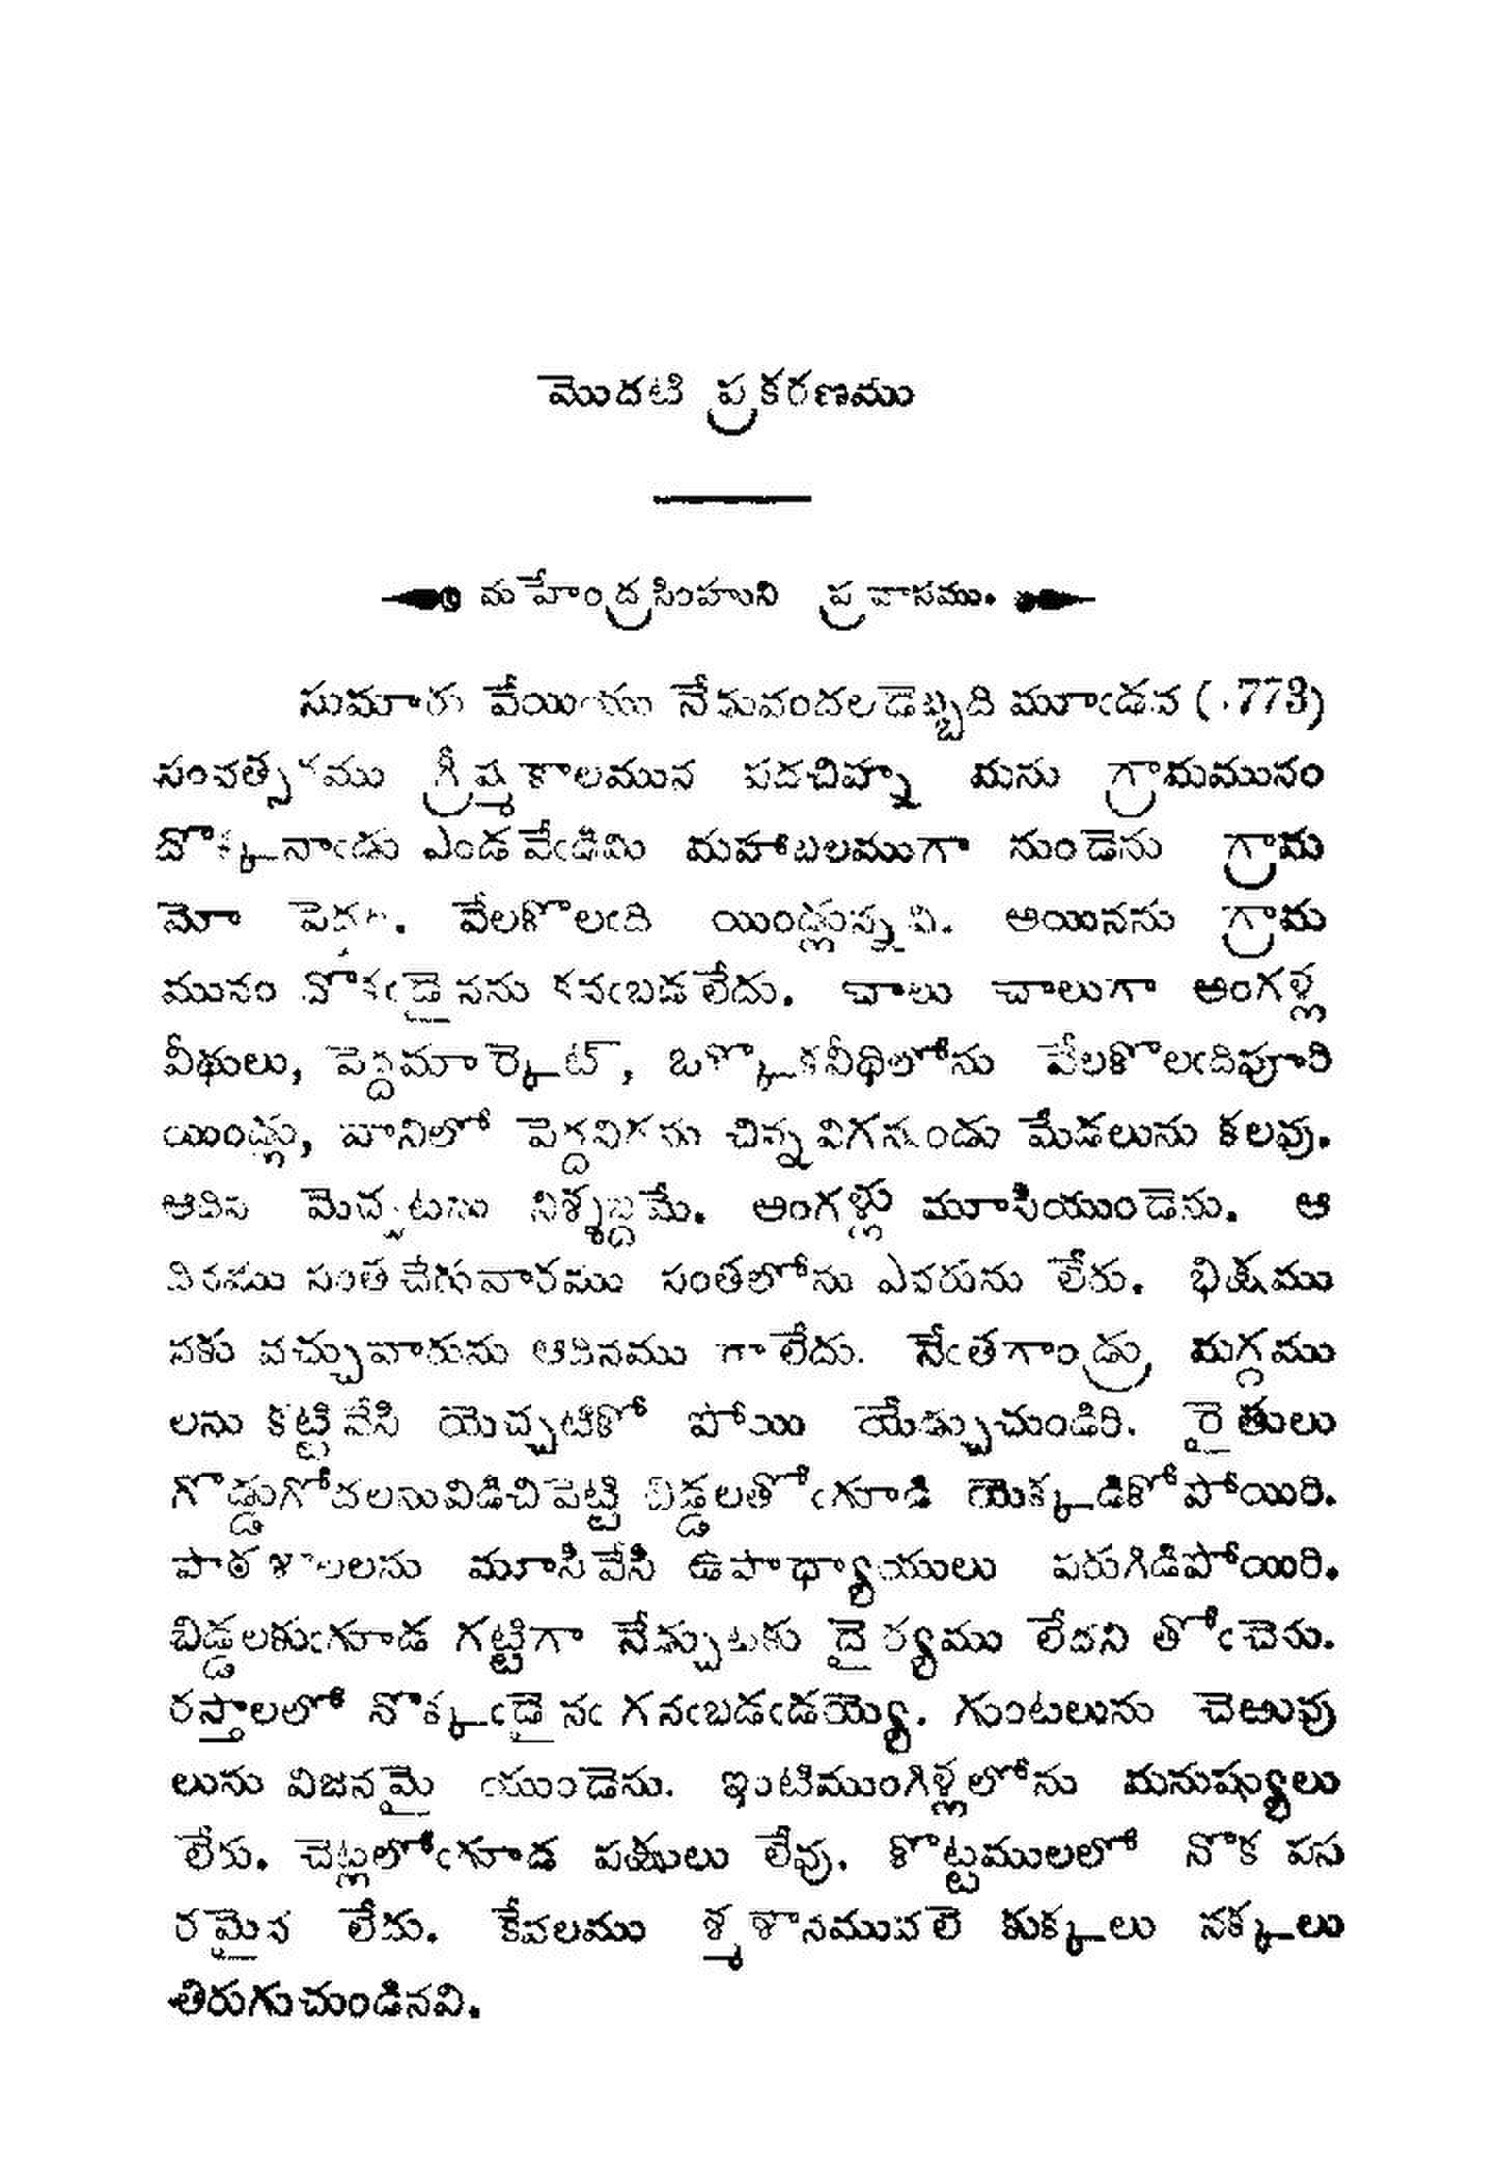మొదటి ప్రకరణము

మహేంద్రసింహుని ప్రవాసము.

సుమారు వేయియు నేడువందలడెబ్బదిమూఁడవ (1773) సంవత్సరము గ్రీష్మకాలమున పదచిహ్న మను గ్రామమునం దొక్కనాఁడు ఎండవేఁడిమి మహాబలముగా నుండెను గ్రామమో పెద్దది. వేలకొలఁది యిండ్లున్నవి. అయినను గ్రామమునం దొకఁడైనను కవఁబడలేదు. చాలు చాలుగా అంగళ్ల వీథులు, పెద్దమార్కెట్, ఒక్కొకవీథిలోను వేలకొలఁదిపూరి యిండ్లు, వానిలో పెద్దవిగను చిన్నవిగనుండు మేడలును కలవు. ఆదిన మెచ్చటను నిశ్శబ్దమే. అంగళ్లు మూసియుండెను. ఆ దినము సంతచేరువారము సంతలోను ఎవరును లేరు. భిక్షమునకు వచ్చువారును ఆదినము రా లేదు. నేఁతగాండ్రు, ముగ్గములను కట్టివేసి యెచ్చటికో పోయి యేడ్చుచుండిరి. రైతులు గొడ్డుగోదలను విడిచిపెట్టి బిడ్డలతోఁగూడి యెక్కడికో పోయిరి. పాఠశాలలను మూసివేసి ఉపాధ్యాయులు పరుగిడిపోయిరి. బిడ్డలకుఁగూడ గట్టిగా నేడ్చుటకు దైర్యము లేదని తోఁచెను. రస్తాలలో నొక్కడైనఁ గనఁబడఁడయ్యె. గుంటలును చెఱువులును విజనమై యుండెను. ఇంటిముంగిళ్లలోను మనుష్యులు లేరు. చెట్లలోఁగూడ పక్షులు లేవు. కొట్టములలో నొక పసరమైన లేదు. కేవలము శ్మశానమువలె కుక్కలు నక్కలు తిరుగుచుండినవి.